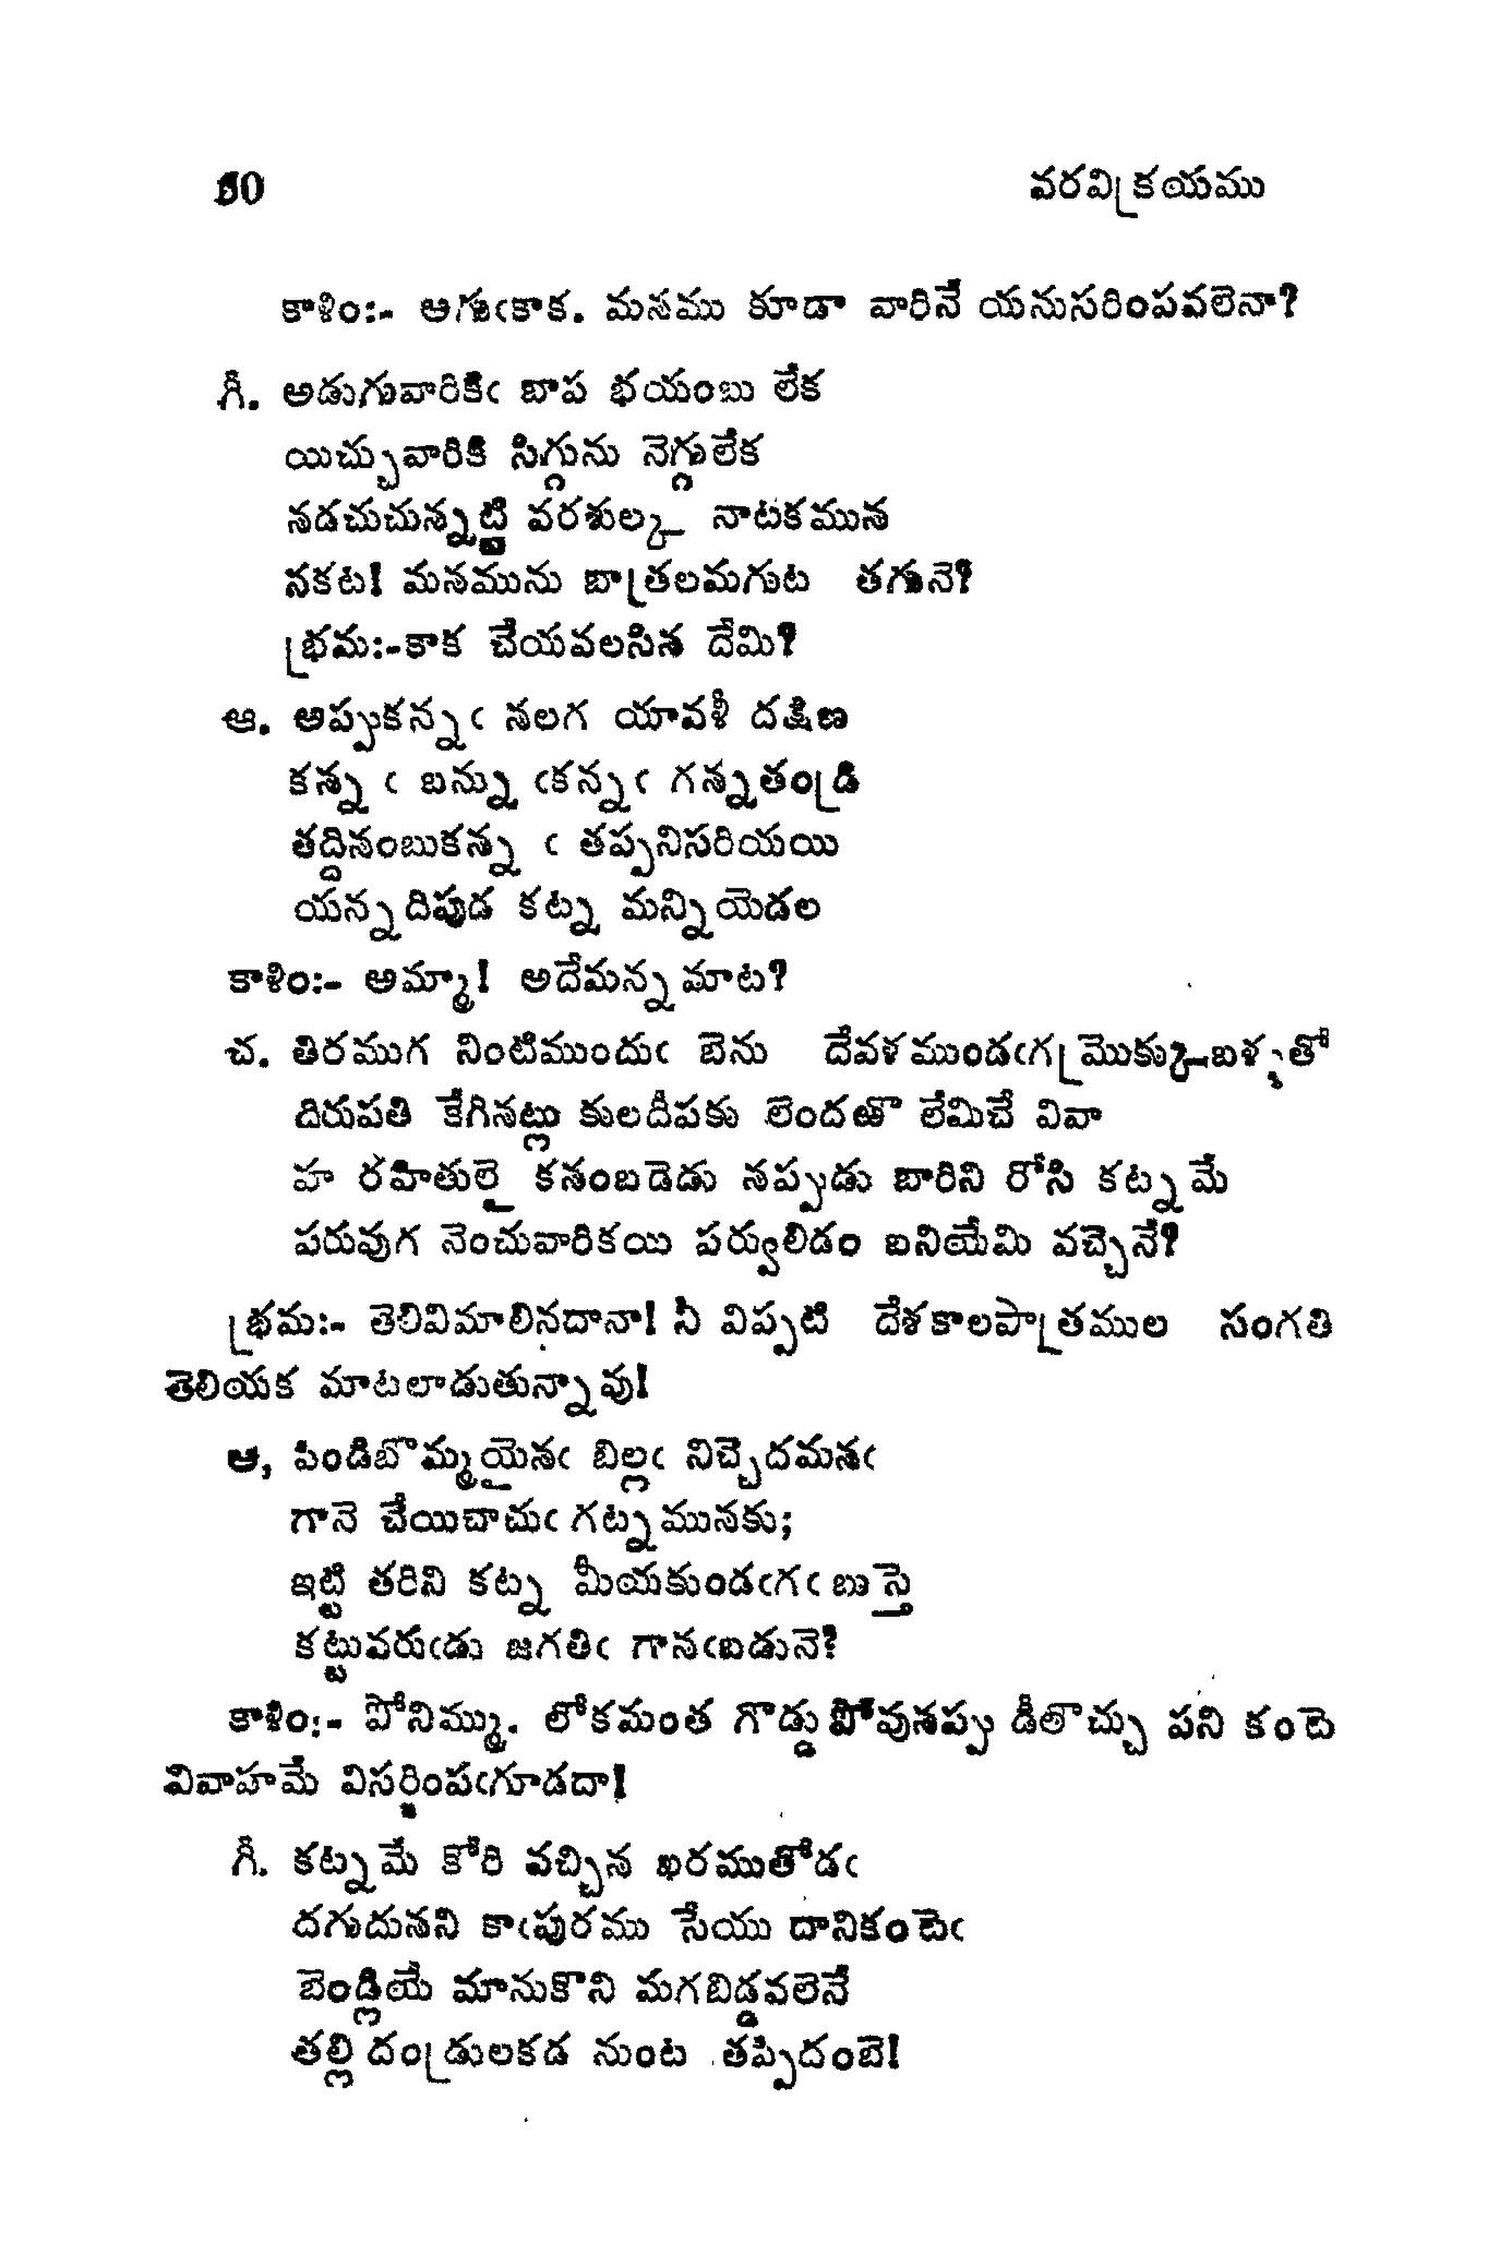కాళిం :- అగుఁకాక. మనము కూడా వారినే యనుసరింపవలెనా?

గీ. అడుగువారికిఁ బాప భయంబు లేక
 యిచ్చువారికి సిగ్గును నెగ్గులేక
 నడచుచున్నట్టి వరశుల్క నాటకమున
 నకట! మనమును బాత్రలమగుట తగునె?

భ్రమ :- కాక చేయవలసిన దేమి?

ఆ. అప్పుకన్నఁ నలగ యావళీ దక్షిణ
 కన్నఁ బన్నుఁ కన్నఁ గన్నతండ్రి
 తద్దినంబుకన్నఁ తప్పనిసరియయి
 యన్నదిపుడ కట్న మన్నియెడల.

కాళిం :- అమ్మా! అదేమన్నమాట?

చ. తిరముగ నింటిముందుఁ బెను దేవళముండఁగ మ్రొక్కుబళ్లతో
 దిరుపతి కేగినట్లు కులదీపకు లెందఱొ లేమిచే వివా
 హ రహితులై కనంబడెడు నప్పుడు బారిని రోసి కట్నమే
 పరువుగ నెంచువారికయి పర్వులిడం బనియేమి వచ్చెనే?

భ్రమ :- తెలివిమాలినదానా! నీ విప్పటి దేశకాలపాత్రముల సంగతి తెలియక మాటాలాడుతున్నావు!

ఆ. పిండిబొమ్మయైనఁ బిల్లఁ నిచ్చెదమనఁ
 గానె చేయిచాచుఁ గట్నమునకు;
 ఇట్టి తరిని కట్న మీయకుండఁగఁ బుస్తె
 కట్టువరుఁడు జగతిఁ గానఁబడునె?

కాళిం :- పోనిమ్ము. లోకమంత గొడ్డుపోవునప్పు డీలొచ్చు పని కంటె వివాహమే విసర్జింపఁ గూడదా?

గీ. కట్నమే కోరి వచ్చిన ఖరముతోడఁ
 తగుదునని కాఁపురము సేయు దానికంటెఁ
 బెండ్లియే మానుకొని మగబిడ్డవలెనే
 తల్లిదండ్రులకడ నుంట తప్పిదంబె?